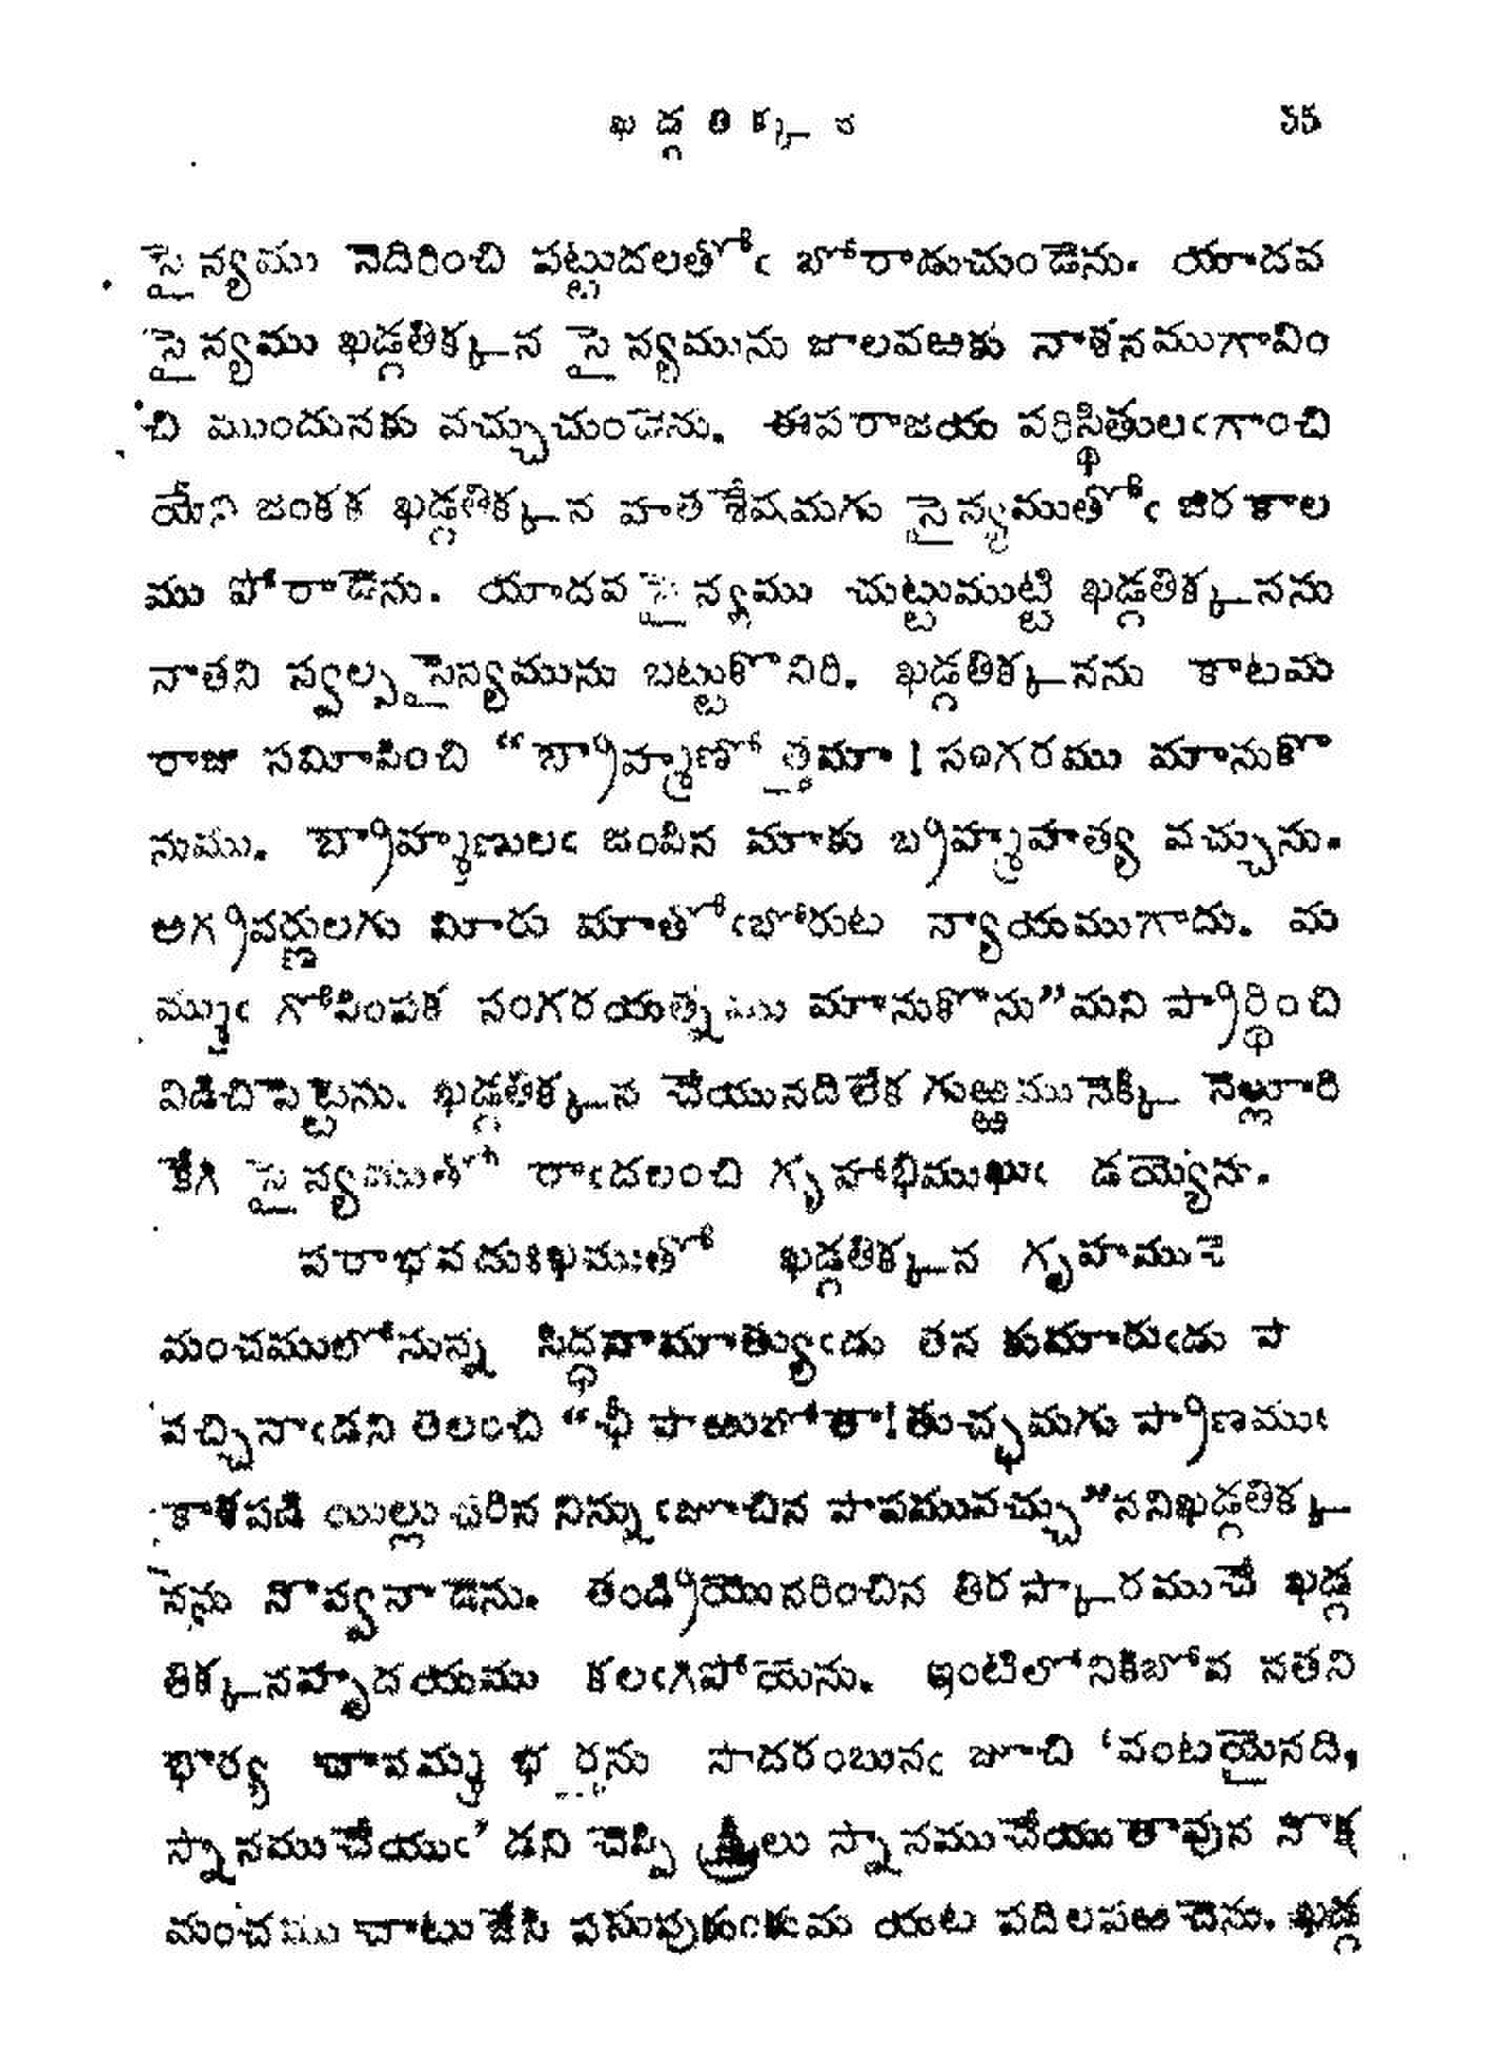సైన్యము నెదిరించి పట్టుదలతో బోరాడుచుండెను. యాదవ సైన్యము ఖడ్గతిక్కన సైన్యమును జాలవఱకు నాశనముగావించి ముందునకు వచ్చుచుండెను. ఈపరాజయ పరిస్థితులగాంచి యేని జంకక ఖడ్గతిక్కన హతశేషమగు సైన్యముతో జిరకాలము పోరాడెను. యాదవసైన్యము చుట్టుముట్టి ఖడ్గతిక్కనను నాతని స్వల్పసైన్యమును బట్టుకొనిరి. ఖడ్గతిక్కనను కాటమరాజు సమీపించి "బ్రాహ్మణోత్తమా! సంగరము మానుకొనుము. బ్రాహ్మణుల జంపిన మాకు బ్రహ్మహత్య వచ్చును. అగ్రవర్ణులగు మీరు మాతోబోరుట న్యాయముగాదు. మమ్ము గోపింపక సంగరయత్నము మానుకొను" మని ప్రార్థించి విడిచిపెట్టెను. ఖడ్గతిక్కన చేయునదిలేక గుఱ్ఱమునెక్కి నెల్లూరి కేగి సైన్యముతో రాదలంచి గృహాభిముఖు డయ్యెను.

పరాభవదు:ఖముతో ఖడ్గతిక్కన గృహము చేరెను. మంచములోనున్న సిద్ధానామాత్యుడు తన కుమారుడు పారి వచ్చినాడని తలంచి "ఛీ పాఱుబోతా! తుచ్ఛమగు ప్రాణము కాశపడి యిల్లు చేరిన నిన్ను జూచిన పాపమువచ్చు"నని ఖడ్గతిక్కనను నొవ్వనాడెను. తండ్రియొనరించిన తిరస్కారముచే ఖడ్గతిక్కనహృదయము కలగిపోయెను. ఇంటిలోనికిబోవ నతని భార్య చావమ్మ భర్తను సాదరంబున జూచి 'వంటయైనది, స్నానముచేయు' డని చెప్పి స్త్రీలు స్నానముచేయుతావున నొక మంచము చాటుజేసి పసుపుకుంకుమ యట పదిలపఱచెను. ఖడ్గ